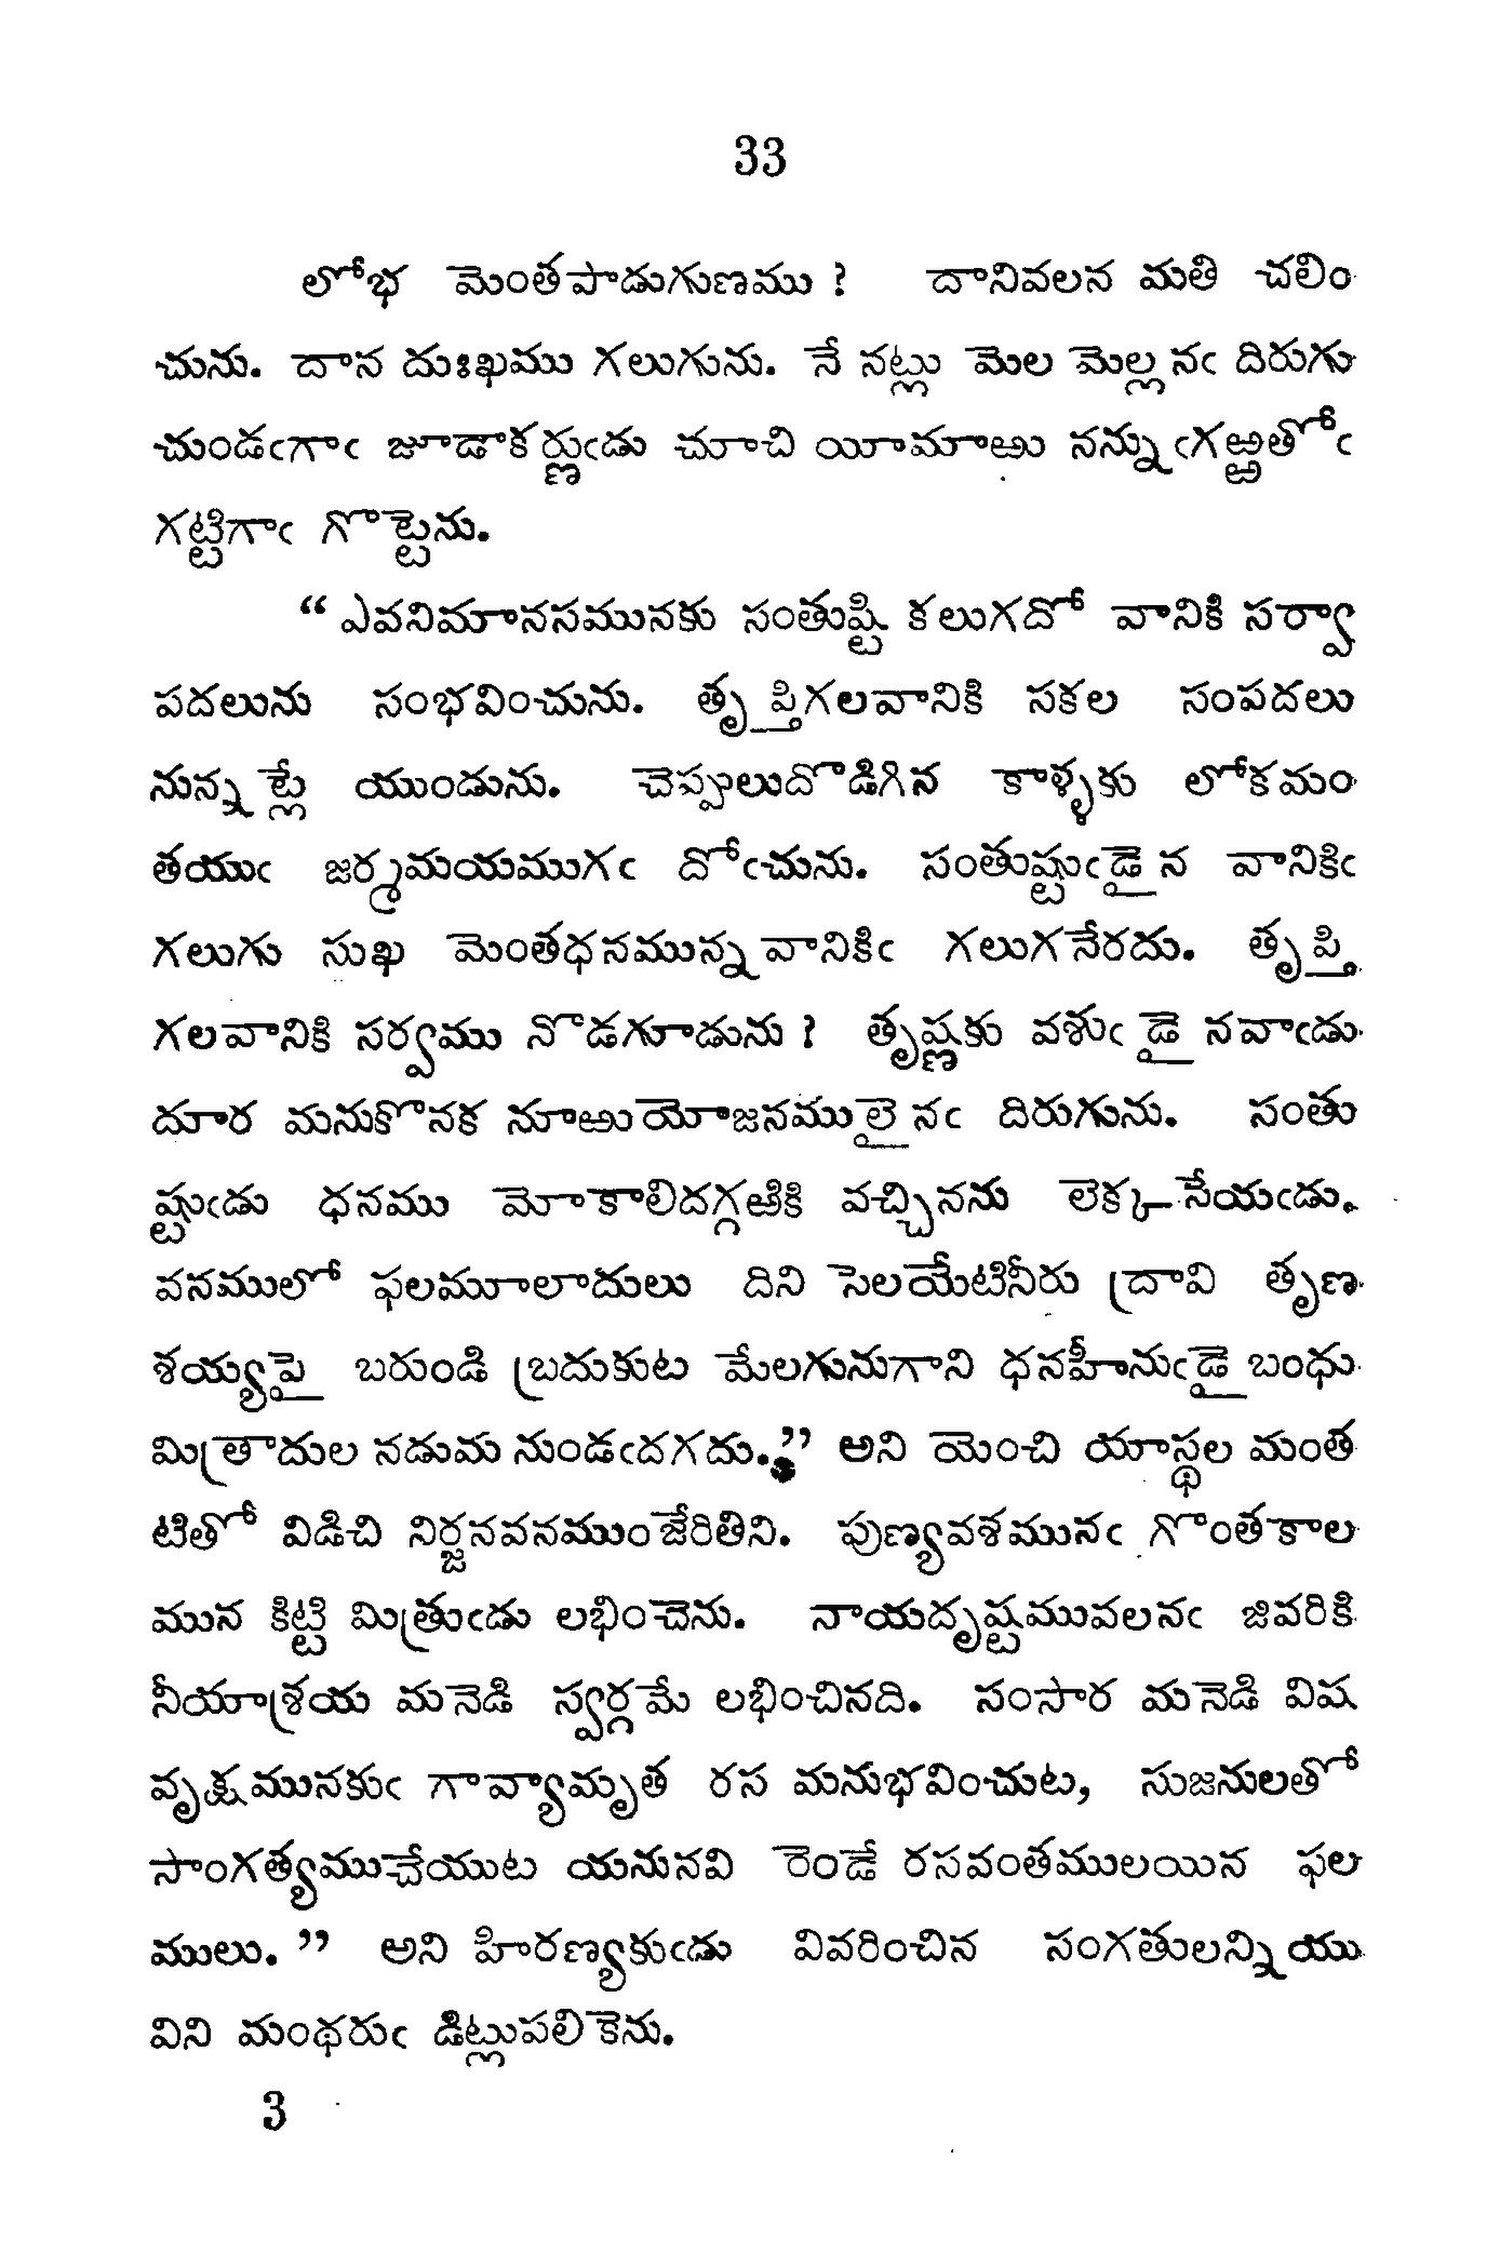లోభ మెంతపాడుగుణము? దానివలన మతి చలించును. దాన దు:ఖము గలుగును. నే నట్లు మెల మెల్లన దిరుగు చుండగా జూడాకర్ణుడు చూచి యీమాఱు నన్ను గఱ్ఱతో గట్టిగా గొట్టెను.

"ఎవనిమానసమునకు సంతుష్ఠి కలుగదో వానికి సర్వాపదలును సంభవించును. తృప్తిగలవానికి సకల సంపదలు నున్నట్లే యుండును. చెప్పులుదొడిగిన కాళ్ళకు లోకమంతయు జర్మమయముగ దోచును. సంతుష్టుడైన వానికి గలుగు సుఖ మెంతధనమున్నవానికి గలుగనేరదు. తృప్తి గలవానికి సర్వమునొడగూడును? తృష్ణకు వశుడైనవాడు దూర మనుకొనక నూఱుయోజనములైన దిరుగును. సంతుష్టుడు ధనము మోకాలిదగ్గఱికి వచ్చినను లెక్కసేయడు. వనములో ఫలమూలాదులు దిని సెలయేటినీరు ద్రావి తృణ శయ్యపై బరుండి బ్రదుకుట మేలగునుగాని ధనహీనుడై బంధు మిత్రాదుల నడుమ నుండ దగదు." అని యెంచి యాస్థల మంతటితో విడిచి నిర్జనవనముంజేరితిని. పుణ్యవశమున గొంతకాలమున కిట్టి మిత్రుడు లభించెను. నాయదృష్టమువలన జివరికి నీయాశ్రయ మనెడి స్వర్గమే లభించినది. సంసార మనెడి విష వృక్షమునకు గావ్యామృత రస మనుభవించుట, సుజనులతో సాంగత్యముచేయుట యనునవి రెండే రసవంతములయిన ఫలములు." అని హిరణ్యకుడు వివరించిన సంగతులన్నియు వినిమంథరు డిట్లుపలికెను.